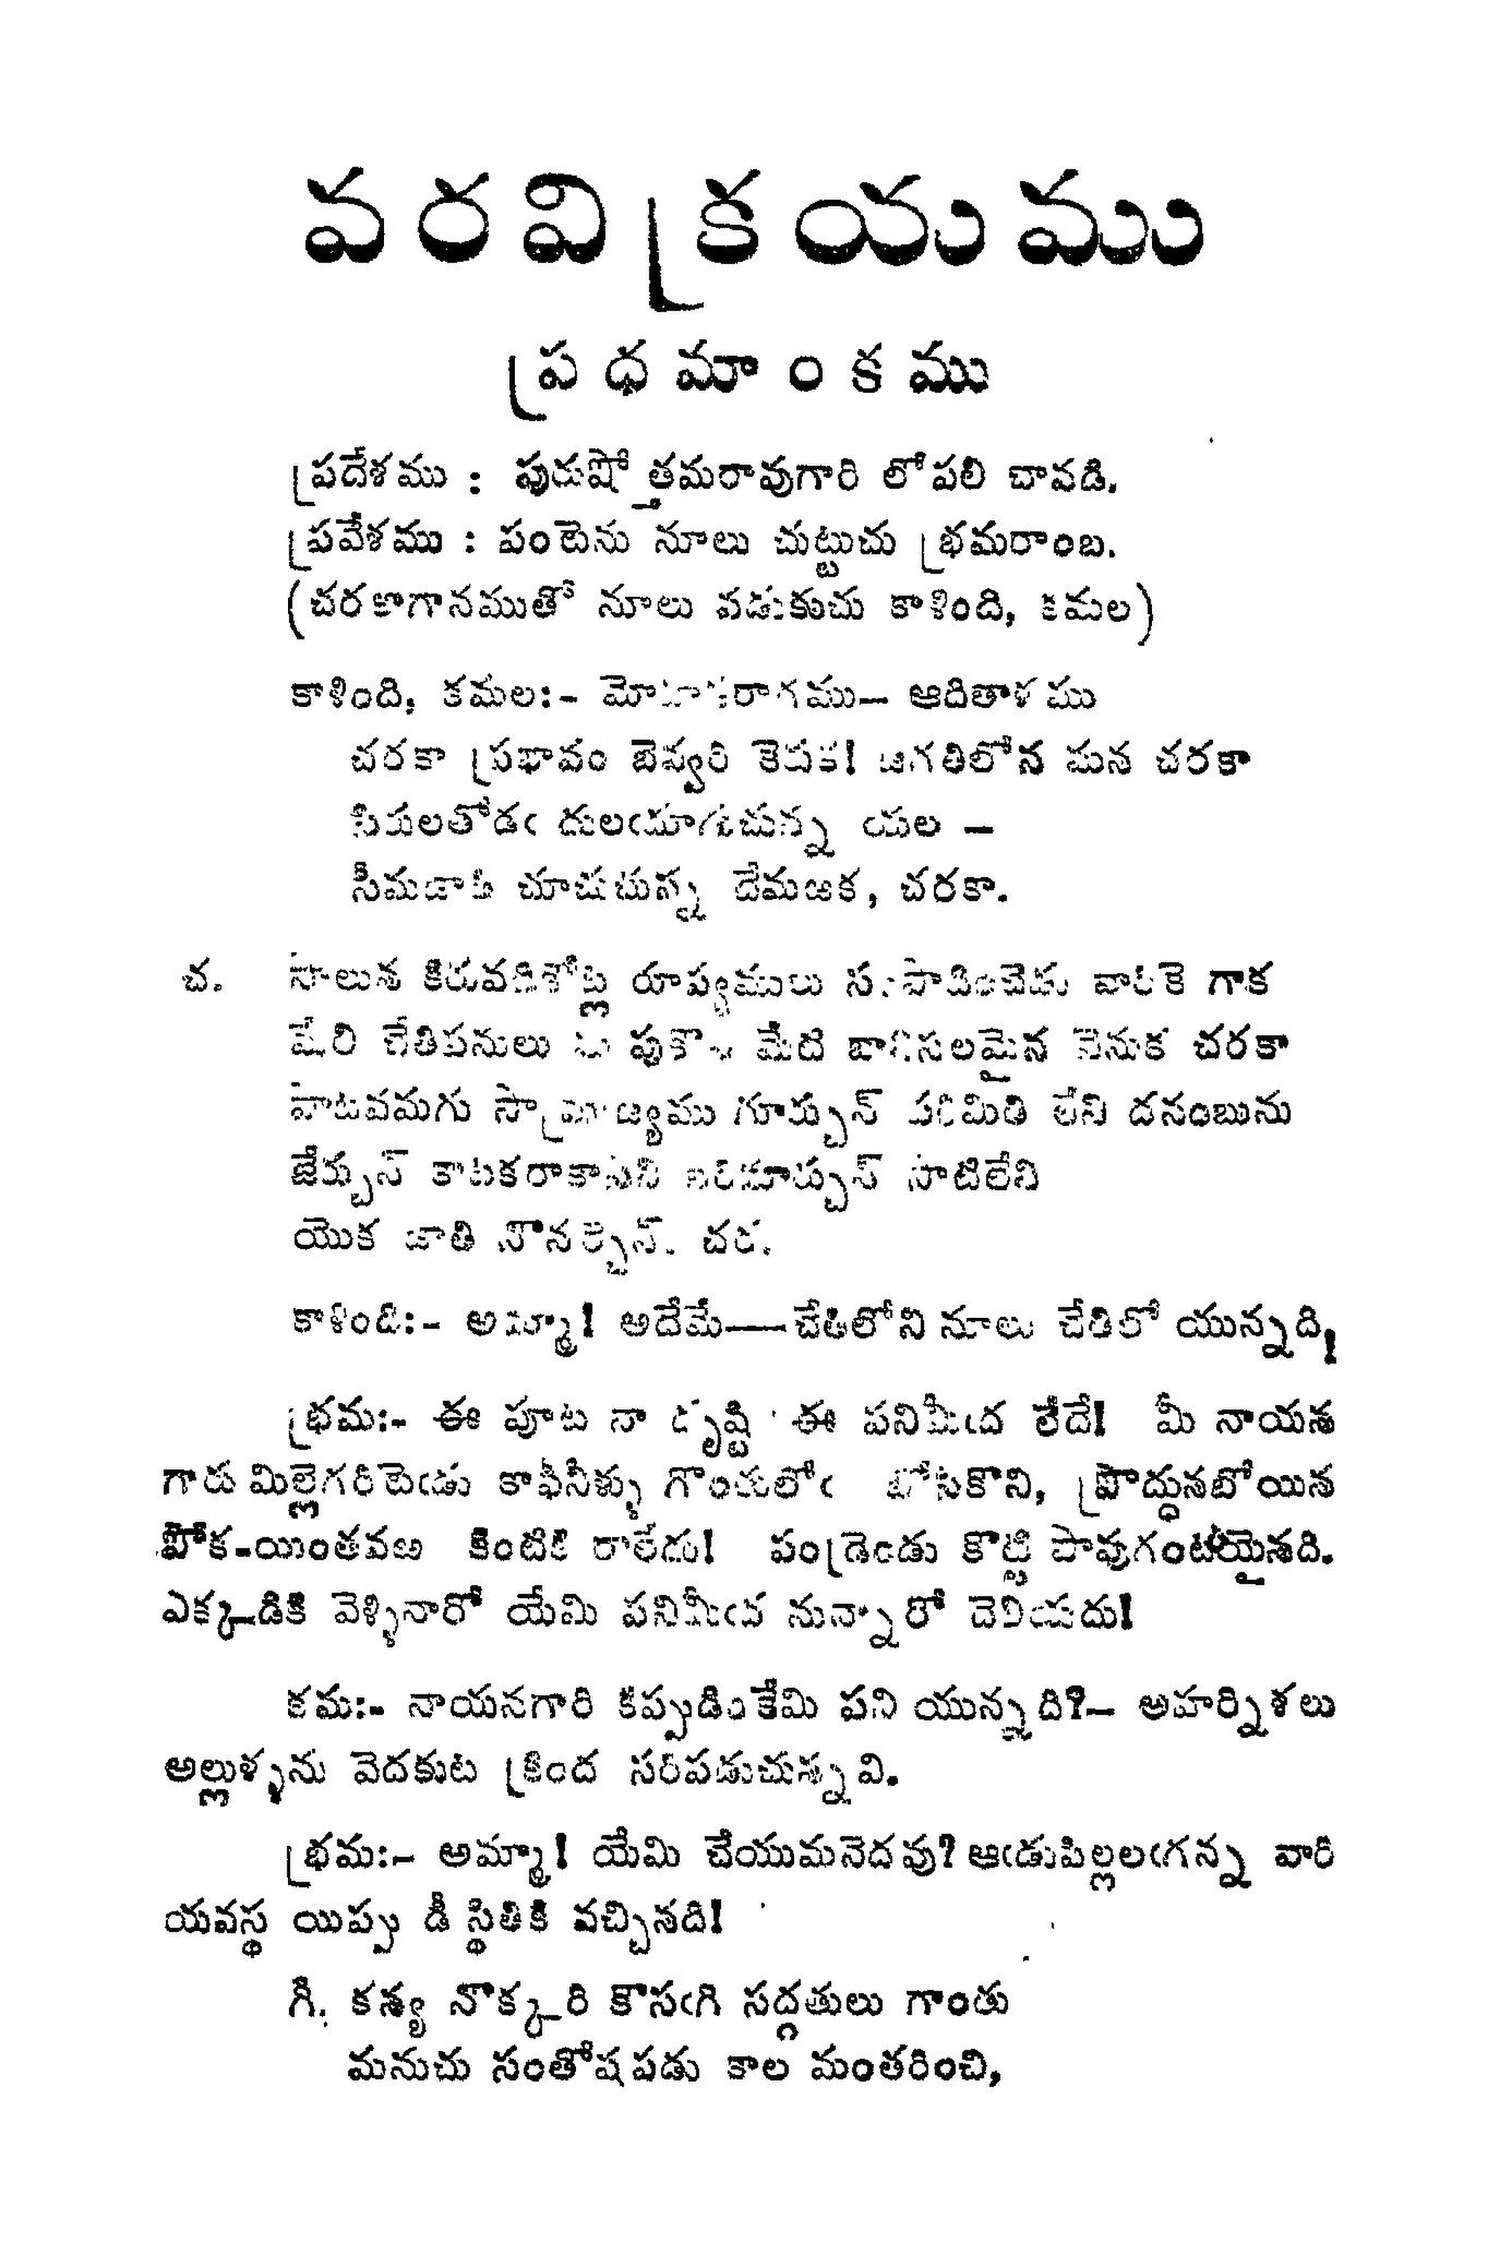వరవిక్రయము
ప్రధమాంకము

ప్రదేశము: పురుషోత్తమరావుగారి లోపలి చావడి.

ప్రవేశము: పంటెను నూలు చుట్టుచు భ్రమరాంబ,
 
(చరకాగానముతో నూలు వడకుచు కాళింది, కమల.)

కాళింది, కమల:-(మోహనరాగము - ఆది తాళము.)

చరకా ప్రభావం బెవ్వరి కెరుక! జగతిలోన మనచరకా॥

సిరులతోడఁ దులఁదూగుచున్న యల-

సీమజాతి చూచుచున్న దేమఱక.చరకా॥

చ. సాలున కిరువదికోట్ల రూప్యములు - సంపాదించెడు వారికె గాక
 మేలి చేతిపనులు మాపుకొని - మేటి బానిసలమైన వెనుక,చరకా॥
 పాటవమగు సామ్రాజ్యముఁ గూర్చున్‌ - పరిమితి లేని ధనంబును
 జేర్చున్‌ కాటక రాకాసిని బరిమార్చున్‌ సాటిలేని యొక జాతి నొనర్చెన్‌. చర.

కాళింది:- అమ్మా! అదేమే - చేతిలోని నూలు చేతిలోనే యున్నది!

భ్రమ:-ఈ పూఁట నా దృష్టి యీపని మీఁద లేదే! మీ నాయనగారు మిల్లెగరిటెఁడు కాఫీనీళ్లు గొంతులోఁబోసికొని, ప్రొద్దునబోయిన పోక - యింతవఱ కింటికి రాలేదు! పండ్రెండు కొట్టి పావుగంటయైనది! ఎక్కడికి వెళ్లినారో యేమి పనిమీఁద నున్నారో తెలియదు!

కమ:- నాయనగారి కిప్పుడింకేమి పని యున్నది? - అహర్నిశలు అల్లుళ్ళను వెదకుటక్రింద సరిపడుచున్నవి.

భ్రమ:-అమ్మా! యేమి చేయుమనెదవు? ఆఁడుపిల్లలఁగన్న వారి యవస్థ యిప్పు డీ స్థితికి వచ్చినది!

గీ.కన్య నొక్కరి కొసఁగి స-ద్గతులు గాంతు
 మనుచు సంతోషపడు కాల - మంతరించి,